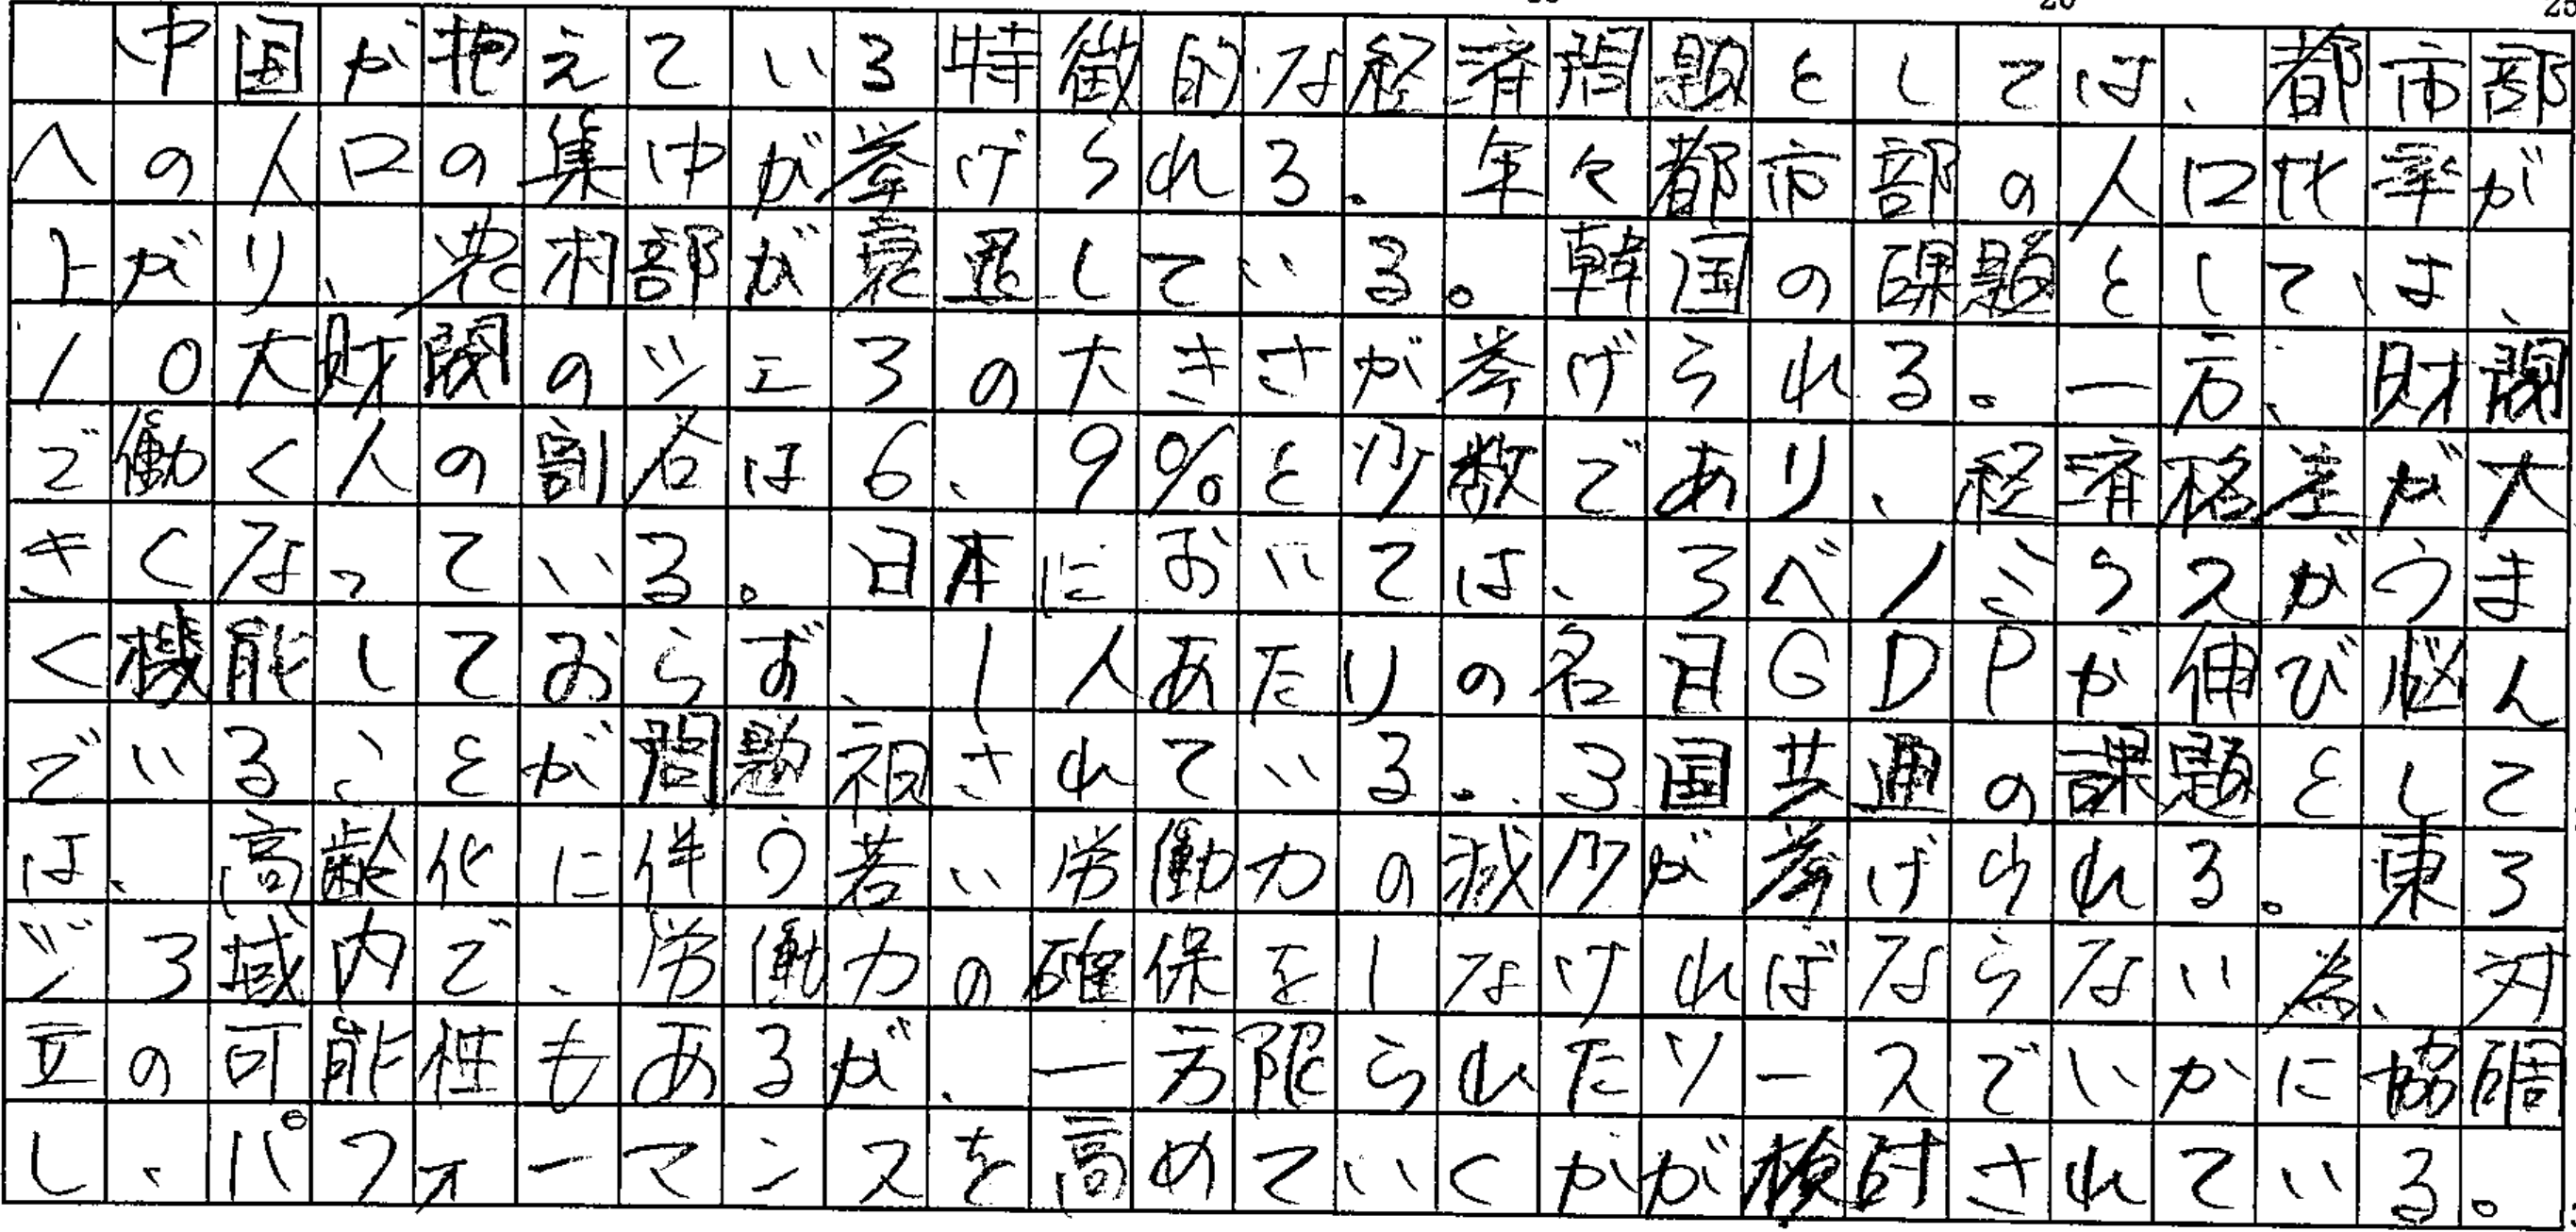　中国が抱えている特徴的な経済問題としては、都市部への人口の集中が挙げられる。年々都市部の人口比率が上がり、農村部が▁退している。韓国の▁題としては、１０大財閥のシェアの大きさが挙げられる。一方、財閥で働く人の割合は６．９％と少数であり、経済格差が大きくなっている。日本においては、アベノミクスがうまく機能しておらず、１人あたりの名目ＧＤＰが伸び悩んでいることが問題視されている。３国共通の課題としては、高齢化に伴う若い労働力の減少が挙げられる。東アジア域内で、労働力の確保をしなければならない為、対立の可能性もあるが、一方限られたソースでいかに協調し、パフォーマンスを高めていくかが検討されている。
